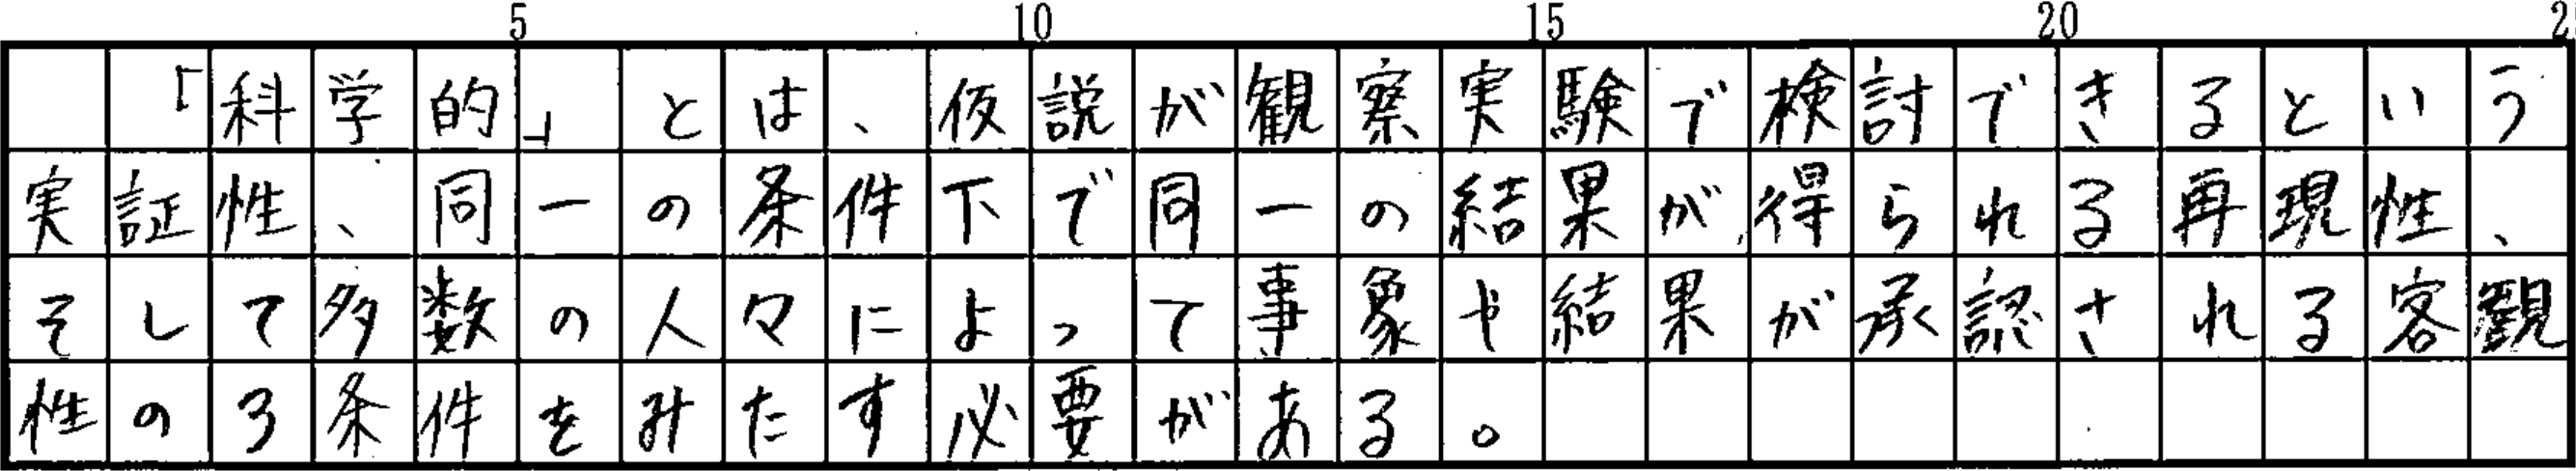　「科学的」とは、仮説が観察実験で検討できるという実証性、同一の条件下で同一の結果が得られる再現性、そして多数の人々によって事象や結果が承認される客観性の３条件をみたす必要がある。
